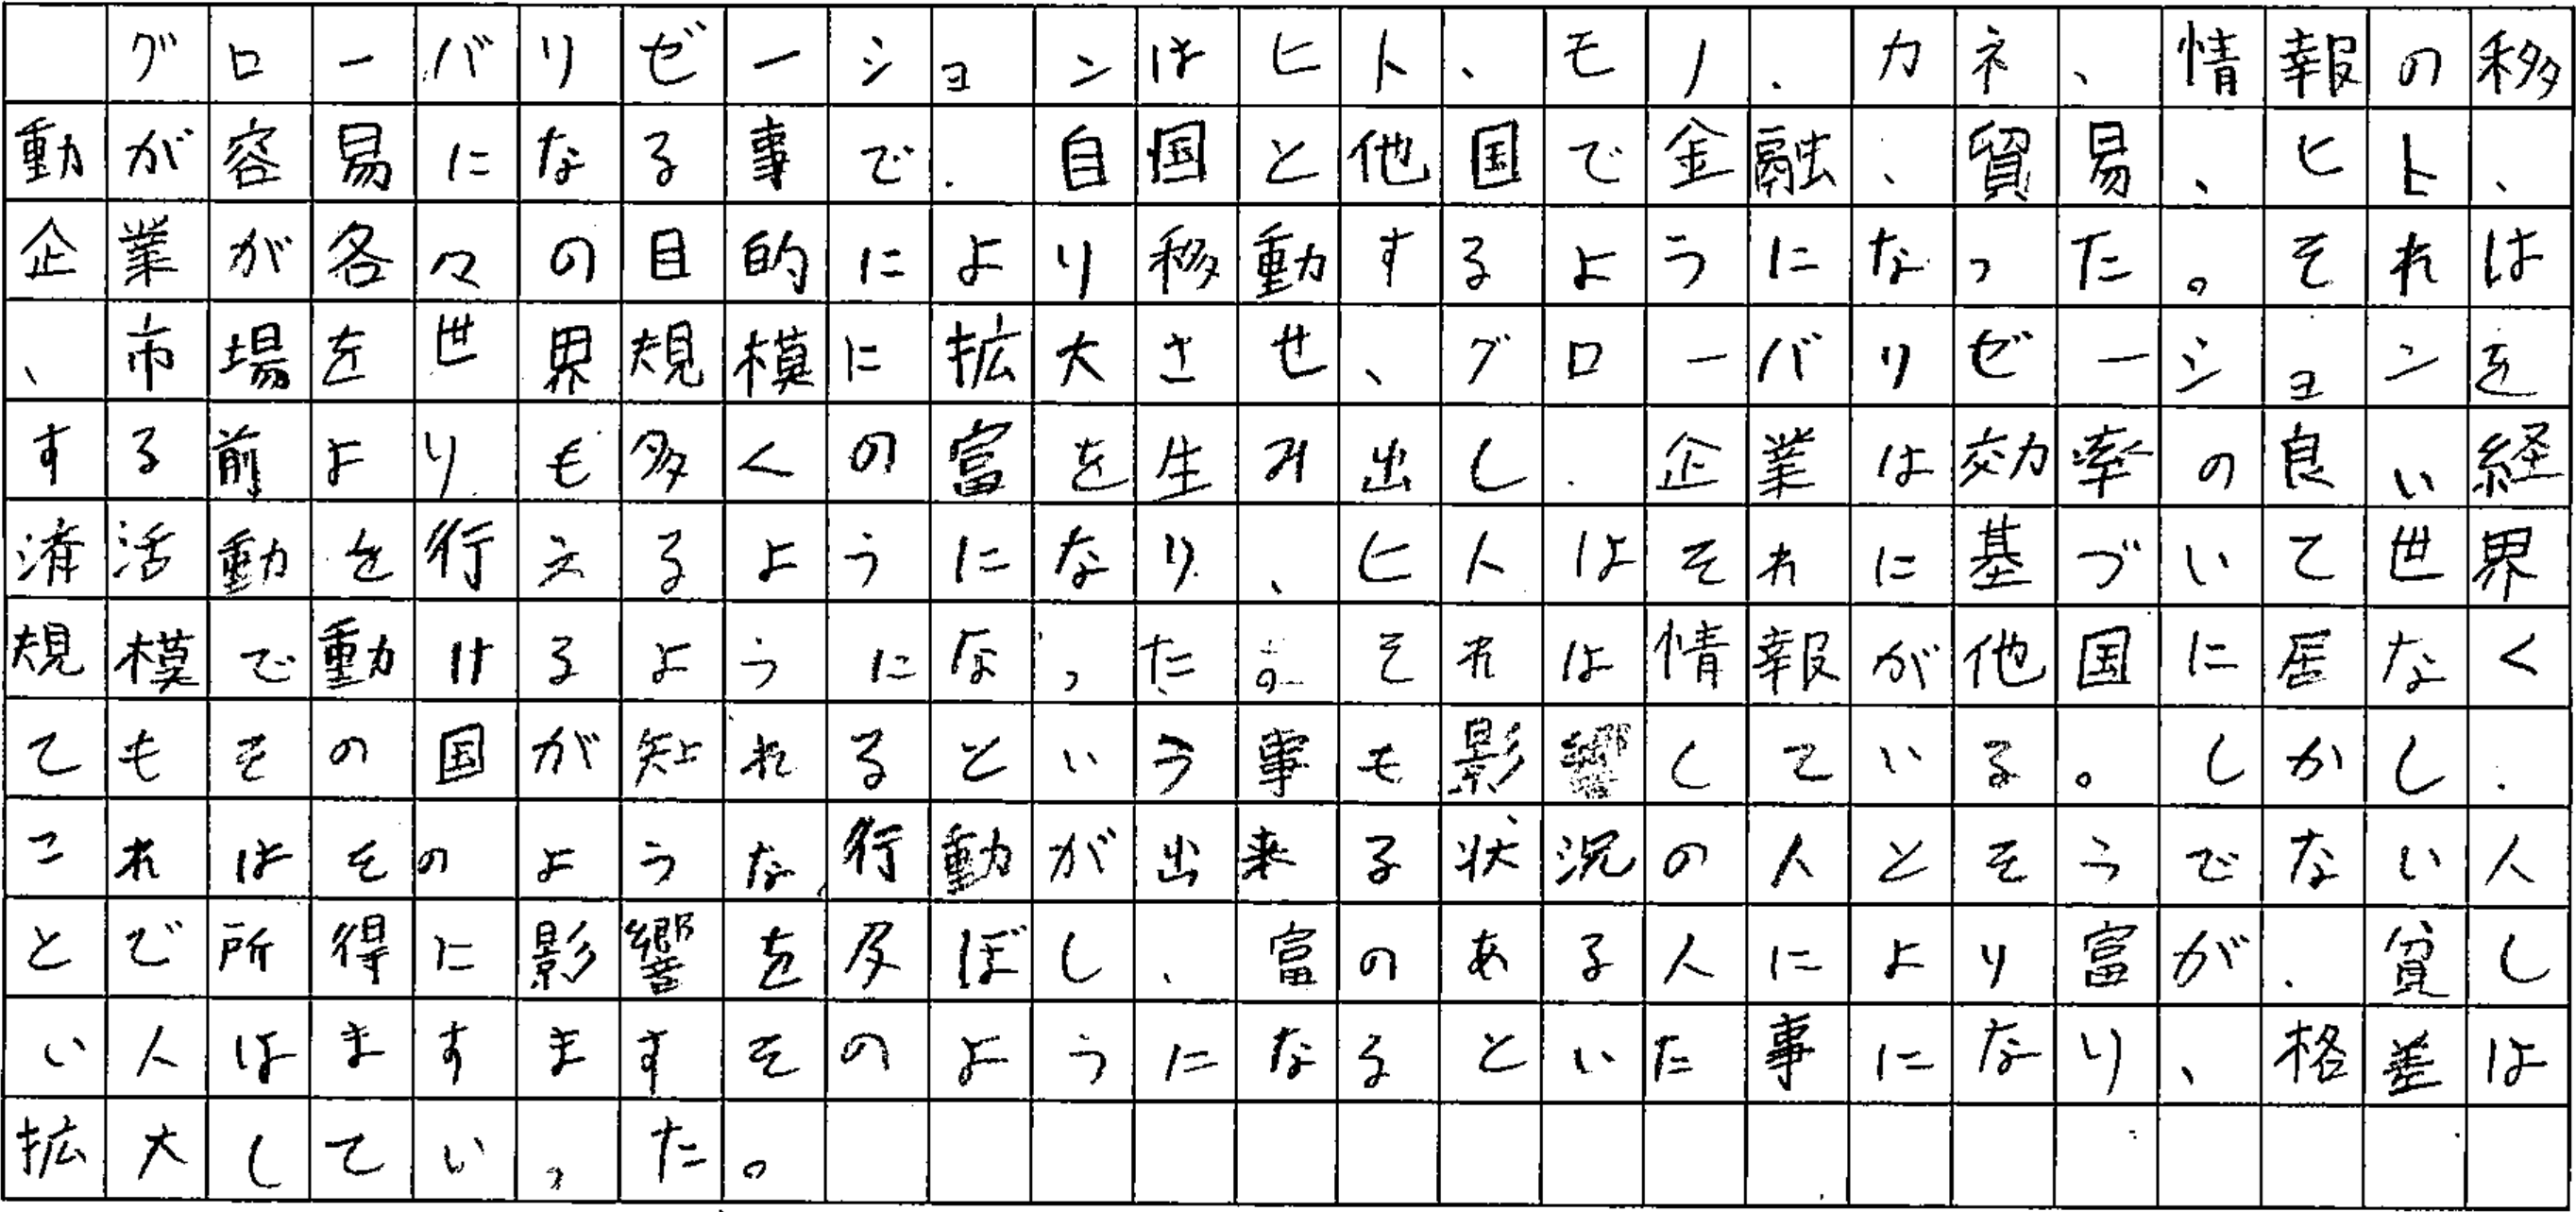　グローバリゼーションはヒト、モノ、カネ、情報の移動が容易になる事で、自国と他国で金融、貿易、ヒト、企業が各々の目的により移動するようになった。それは、市場を世界規模に拡大させ、グローバリゼーションをする前よりも多くの富を生み出し、企業は効率の良い経済活動を行えるようになり、ヒトはそれに基づいて世界規模で動けるようになった。それは情報が他国に居なくてもその国が知れるという事も影響している。しかし、これはそのような行動が出来る状況の人とそうでない人とで所得に影響を及ぼし、富のある人により富が、貧しい人はますますそのようになるといた事になり、格差は拡大していった。
